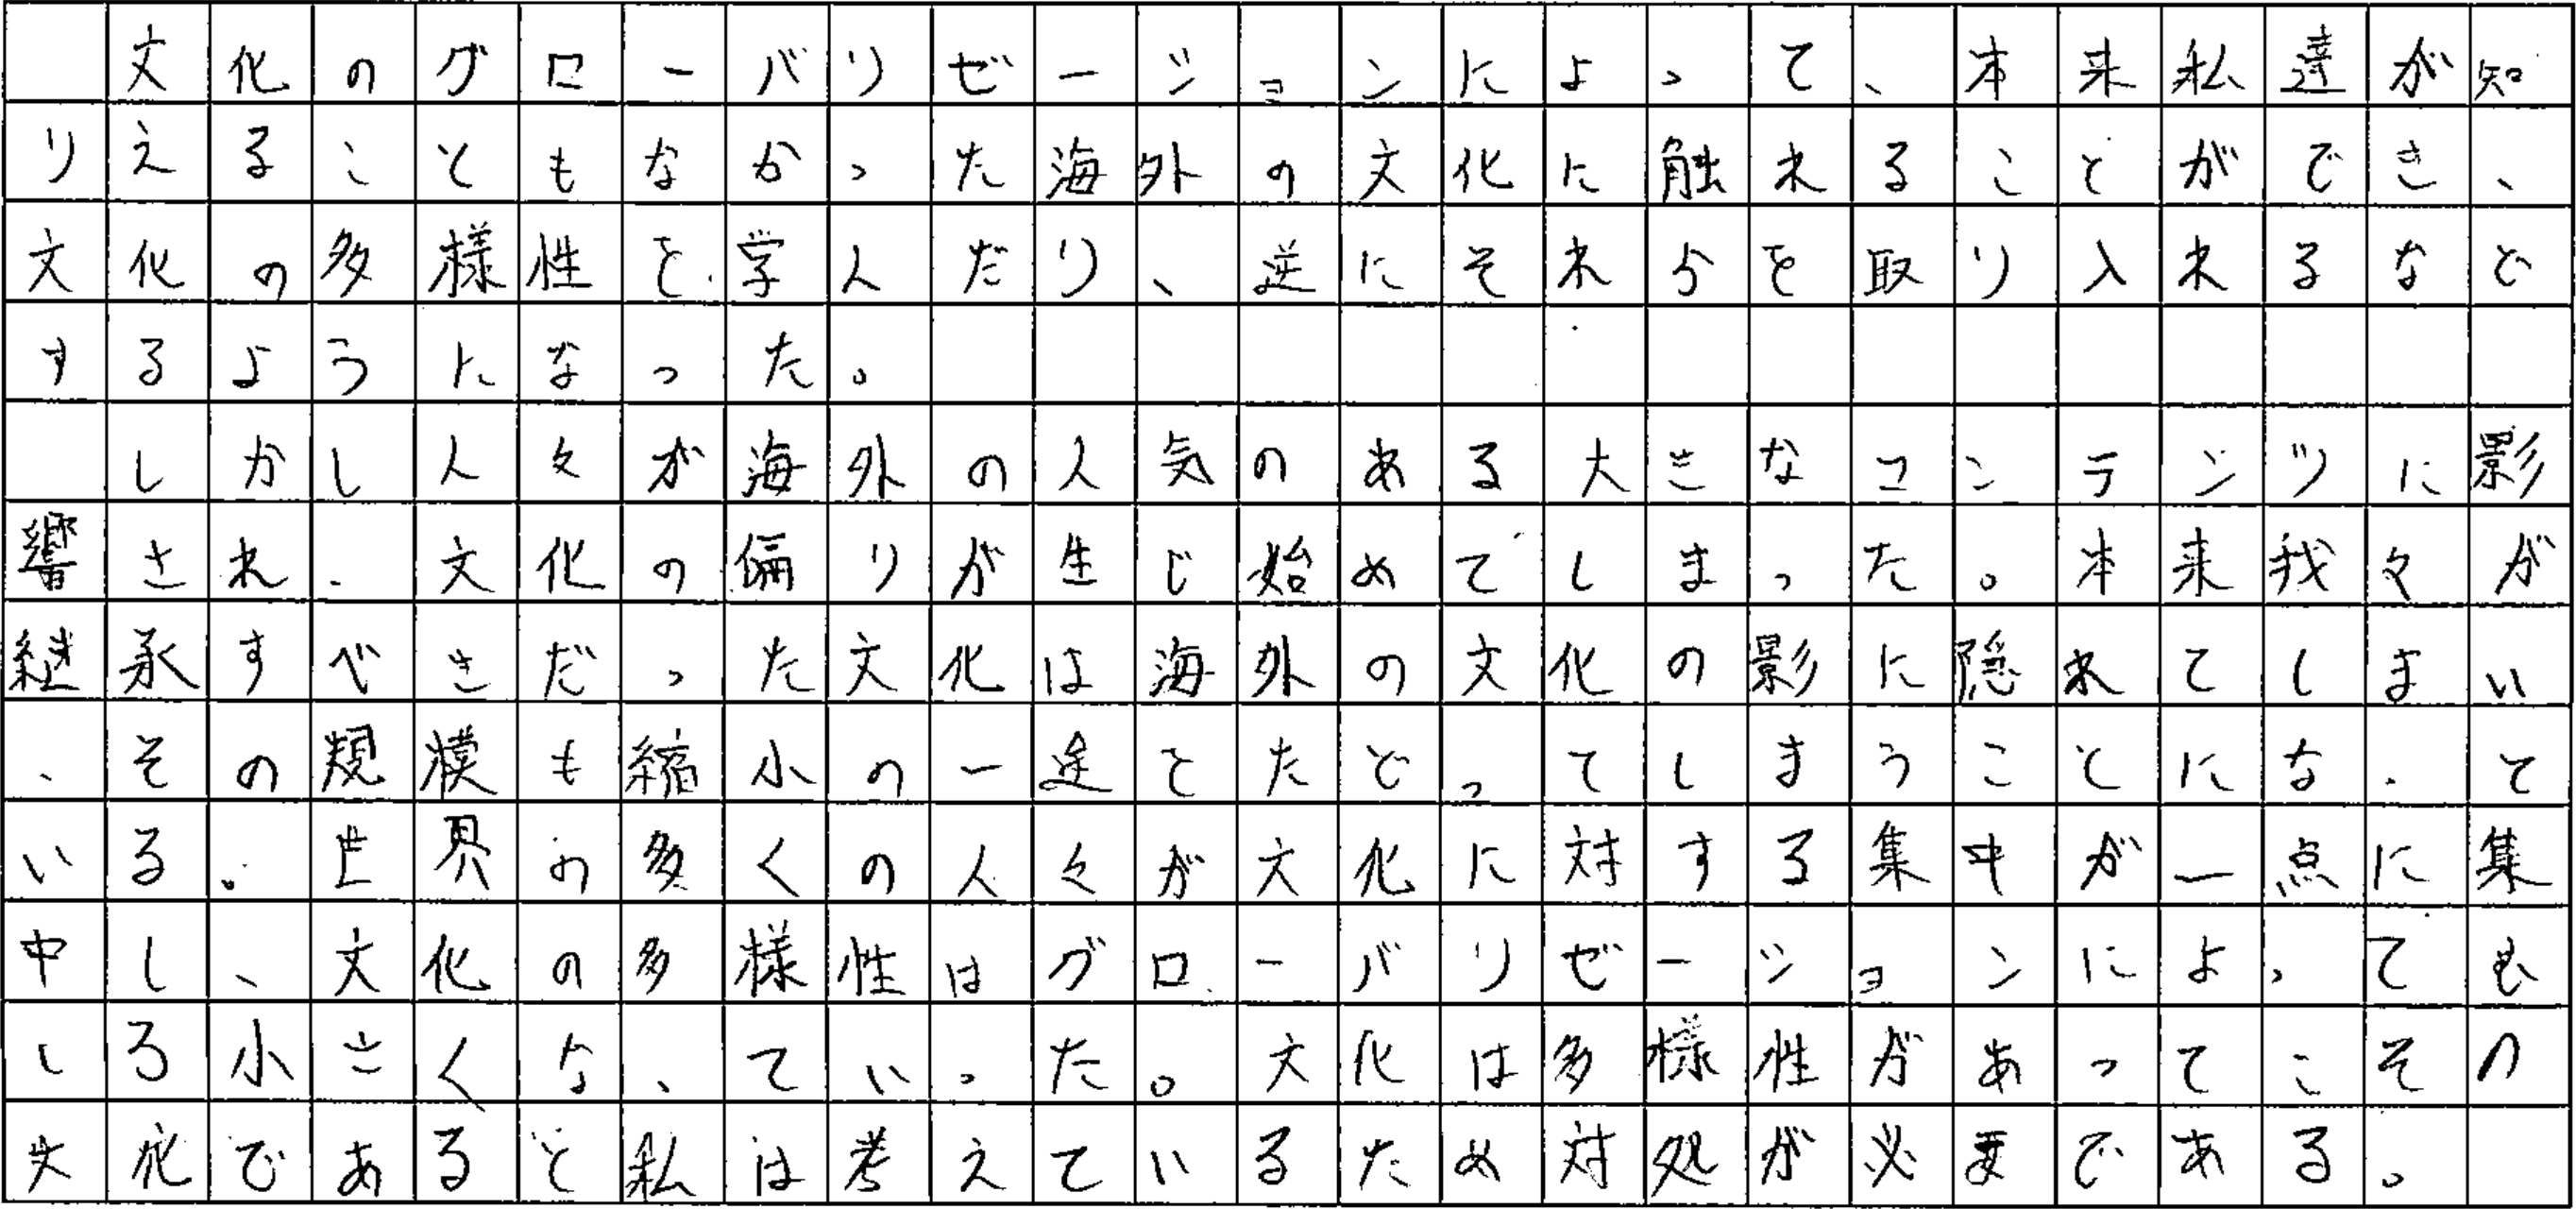　文化のグローバリゼーションによって、本来私達が知りえることもなかった海外の文化に触れることができ、文化の多様性を学んだり、逆にそれらを取り入れるなどするようになった。
　しかし人々が海外の人気のある大きなコンテンツに影響され、文化の偏りが生じ始めてしまった。本来我々が継承すべきだった文化は海外の文化の影に隠れてしまい、その規模も縮小の一途をたどってしまうことになっている。世界の多くの人々が文化に対する集中が一点に集中し、文化の多様性はグローバリゼーションによってむしろ小さくなっていった。文化は多様性があってこその文化であると私は考えているため対処が必要である。
